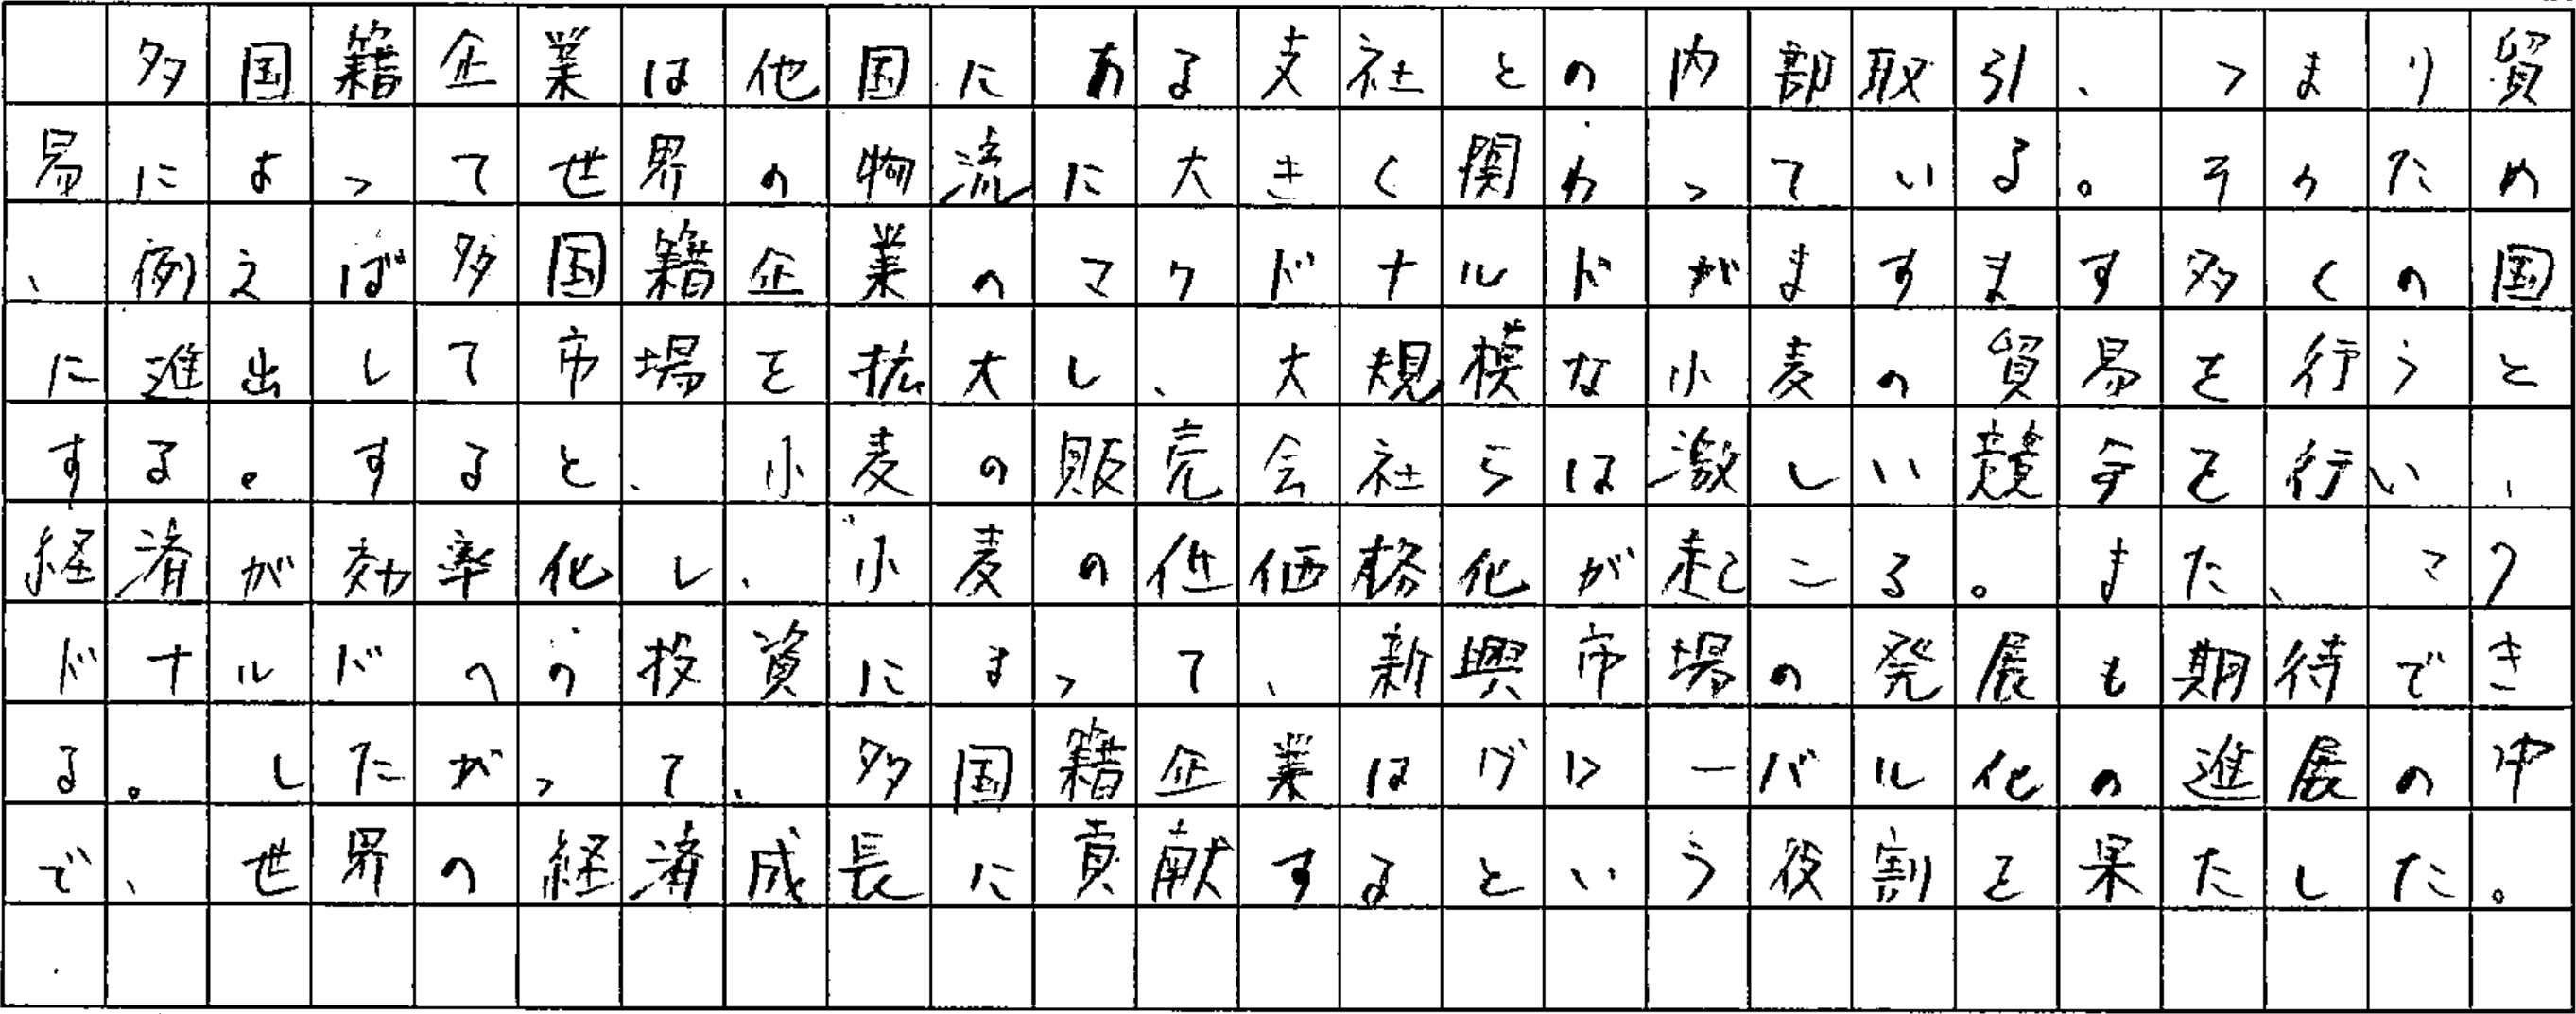　多国籍企業は他国にある支社との内部取引、つまり貿易によって世界の物流に大きく関わっている。そのため、例えば多国籍企業のマクドナルドがますます多くの国に進出して市場を拡大し、大規模な小麦の貿易を行うとする。すると、小麦の販売会社らは激しい競争を行い、経済が効率化し、小麦の低価格化が起こる。また、マクドナルドへの投資によって、新興市場の発展も期待できる。したがって、多国籍企業はグローバル化の進展の中で、世界の経済成長に貢献するという役割を果たした。
